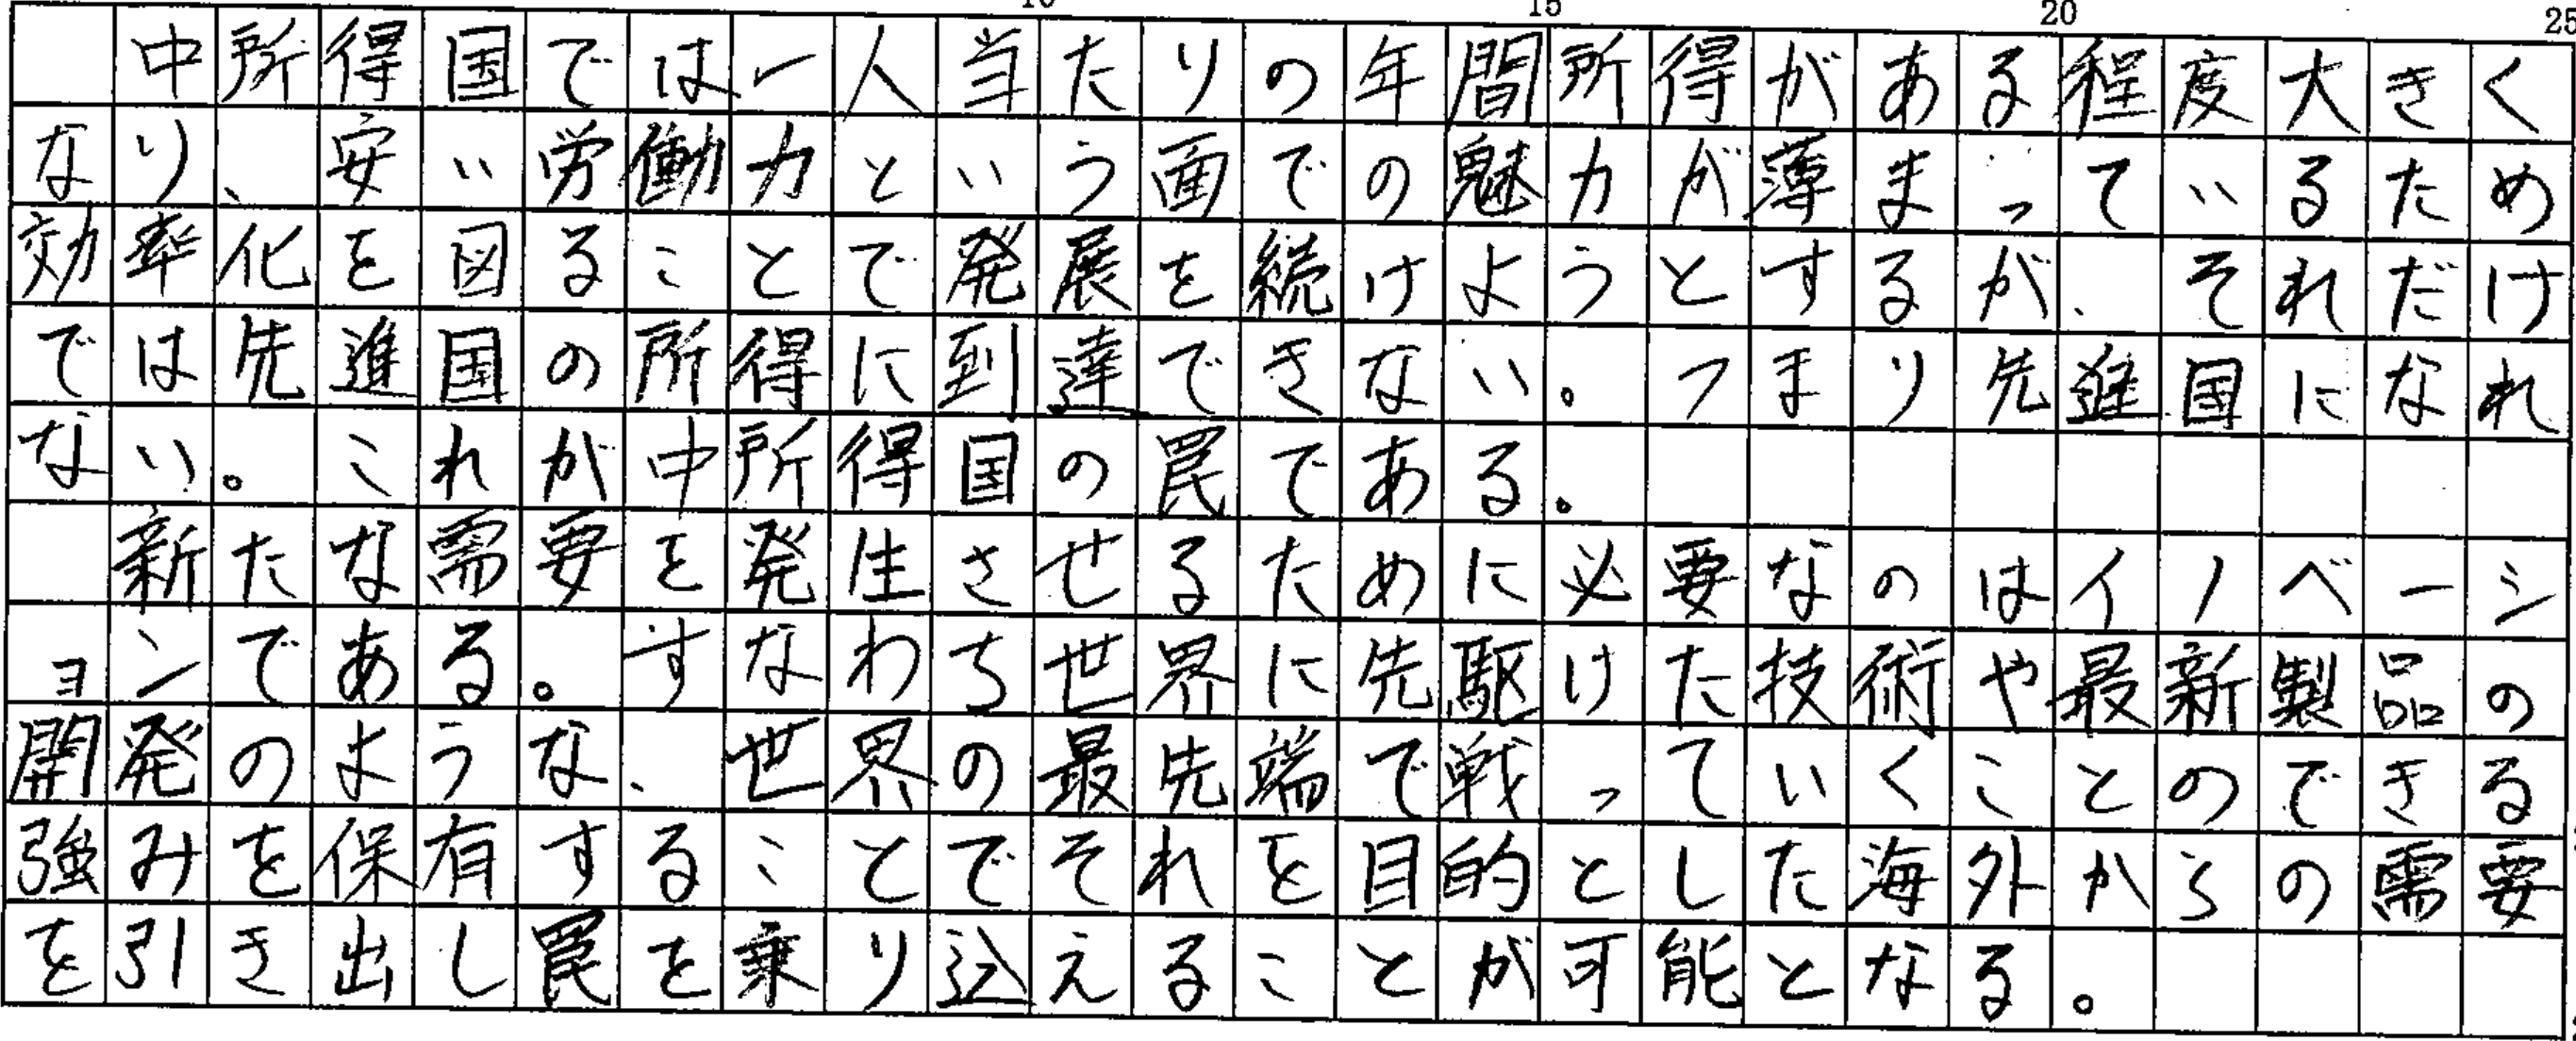　中所得国では一人当たりの年間所得がある程度大きくなり、安い労働力という面での魅力が薄まっているため効率化を図ることで発展を続けようとするが、それだけでは先進国の所得に到達できない。つまり先進国になれない。これが中所得国の罠である。
　新たな需要を発生させるために必要なのはイノベーションである。すなわち世界に先駆けた技術や最新製品の開発のような、世界の最先端で戦っていくことのできる強みを保有することでそれを目的とした海外からの需要を引き出し罠を乗り込えることが可能となる。
